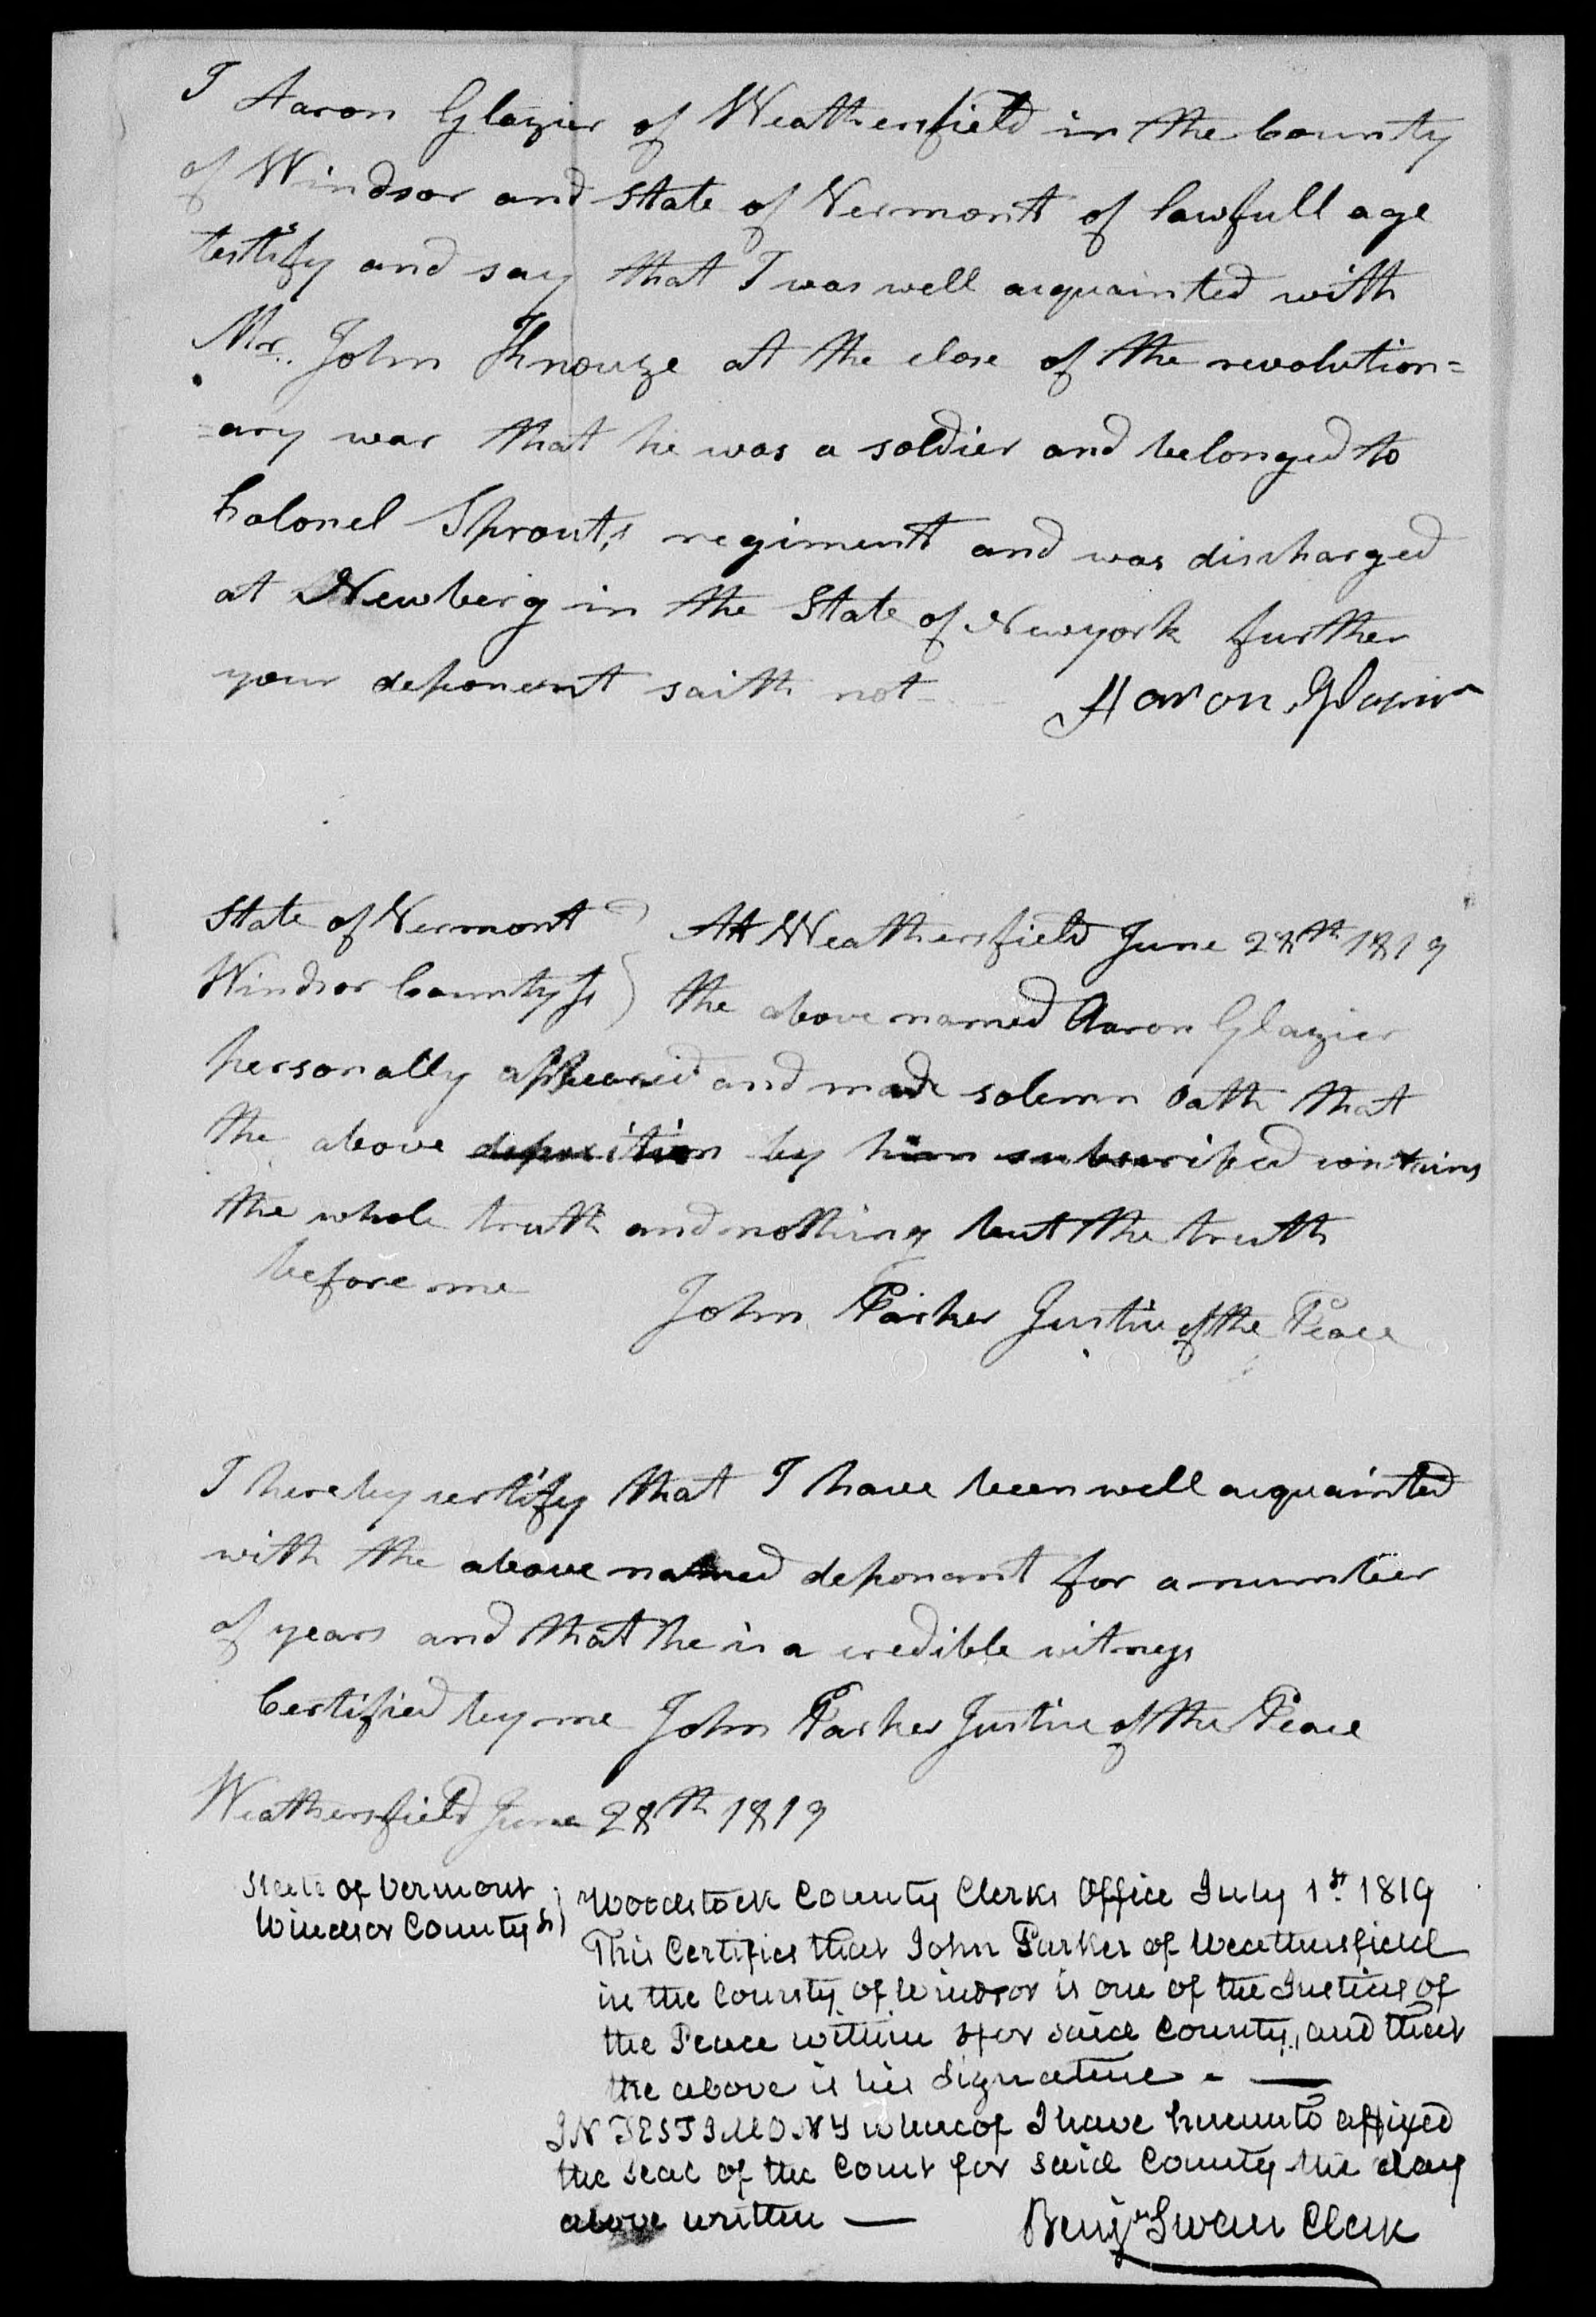I Aaron Glazier of Weathersfield in the County of Windsor and State of Vermont of lawfull age testify and say that I was well acquainted with Mr John Knowze at the close of the revolutionary war, that he was a soldier and belonged to Colonel Sprout's regiment and was discharged at Newberg in the State of New York further your deponent saith not 
Aaron Glazier 

State of Vermont Windsor County At Weathersfield June 24th 1819 
the above named Aaron Glazier personally appeared and made solemn oath that the above deposition by him subscribed contains the whole truth and nothing but the truth before me 
John Parker Justice of the Peace 

I hereby certify that I have been well acquainted with the above named deponent for a number of years and that he is a credible witness Certified by me John Parker Justice of the Peace Weathersfield June 28th 1819 

State of Vermont Windsor County Ss 
Woodstock County Clerks Office July 1st 1819 
This certifies that John Parker of Weathersfield in the County of Windsor is one of the Justices of the Peace within for said County, and that the above is his signature.- 

IN TESTIMONY Whereof I have hereunto affixed the seal of the Court for said County the day above written - Benj Swan Clerk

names: Aaron Glazier; John Parker; Benja Swan; John Knowze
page: 9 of 12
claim: survivor's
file: S. 40,907, for John Knowze, Massachusetts